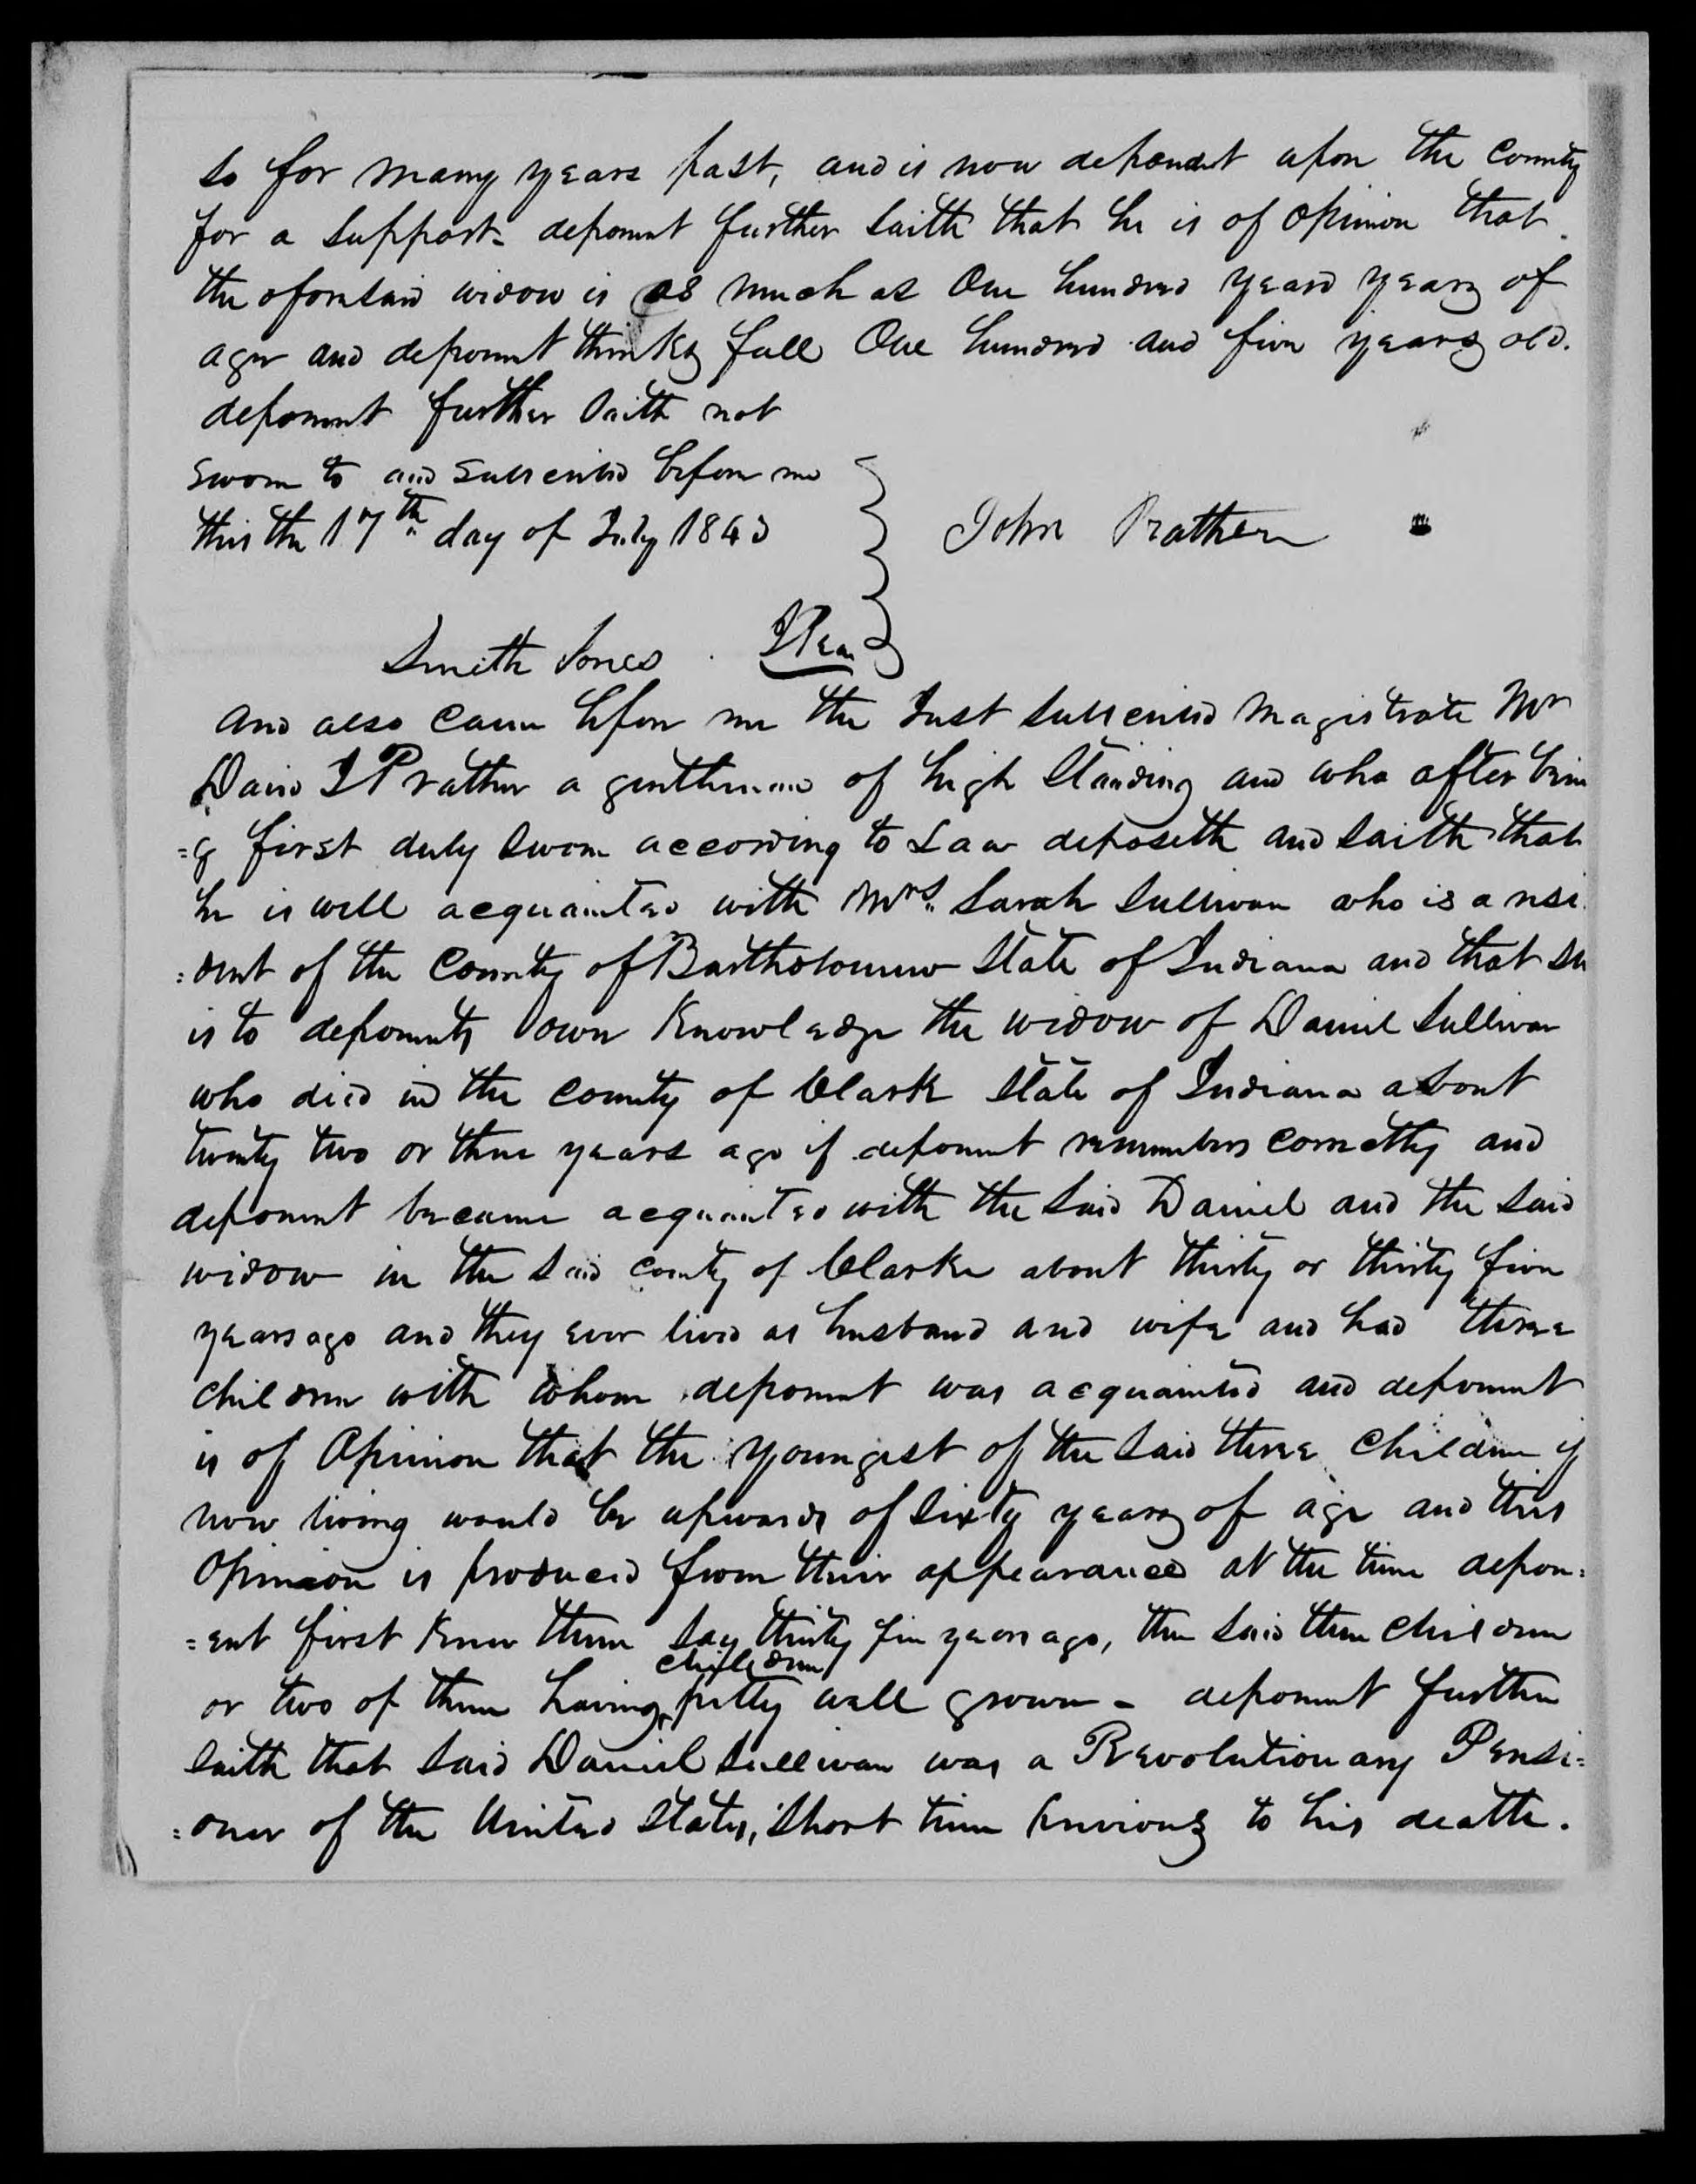so for many years past, and is now dependent upon the comunity for a support deponent further saith that he is of opinion that the aforesaid widow is as much as one hundred years yeary of age and deponent thinks full One hundred and five years old. deponent further saith not
[signed] John Prather

Sworn to and subscribed before me this the 17th day of July 1843
[signed] Smith Jones J Peace

And also came before me the just subscribed magistrate Mr  Danl J Prather a gentleman of high standing and who after being first duly sworn according to Law deposeth and saith that he is well acquainted with Mrs Sarah Sullivan who is a resident of the County of Bartholomew State of Indiana and that she is to deponents own knowledge the widow of Daniel Sullivan who died in the County of Clark State of Indiana about twenty two or three years ago if deponent remembers correctly and deponent became acquainted with the said Daniel and the said widow in the said County of Clark about thirty or thirty five years ago and they ever lived as husband and wife and had three children with whom deponent was acquainted and deponent is of opinion that the youngest of the said three children if now living would be upwards of sixty years of age and this opinion is produced from their appearance at the time deponent  first knew them say thirty five years ago, then said three children or two of them having children pretty well grown - deponent further saith that said Daniel Sullivan was a Revolutionary Pensioner of the Untied States, short time previous to his death.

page: 26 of 78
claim: widow's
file: W. 25,169, for Daniel Sullivan, Maryland